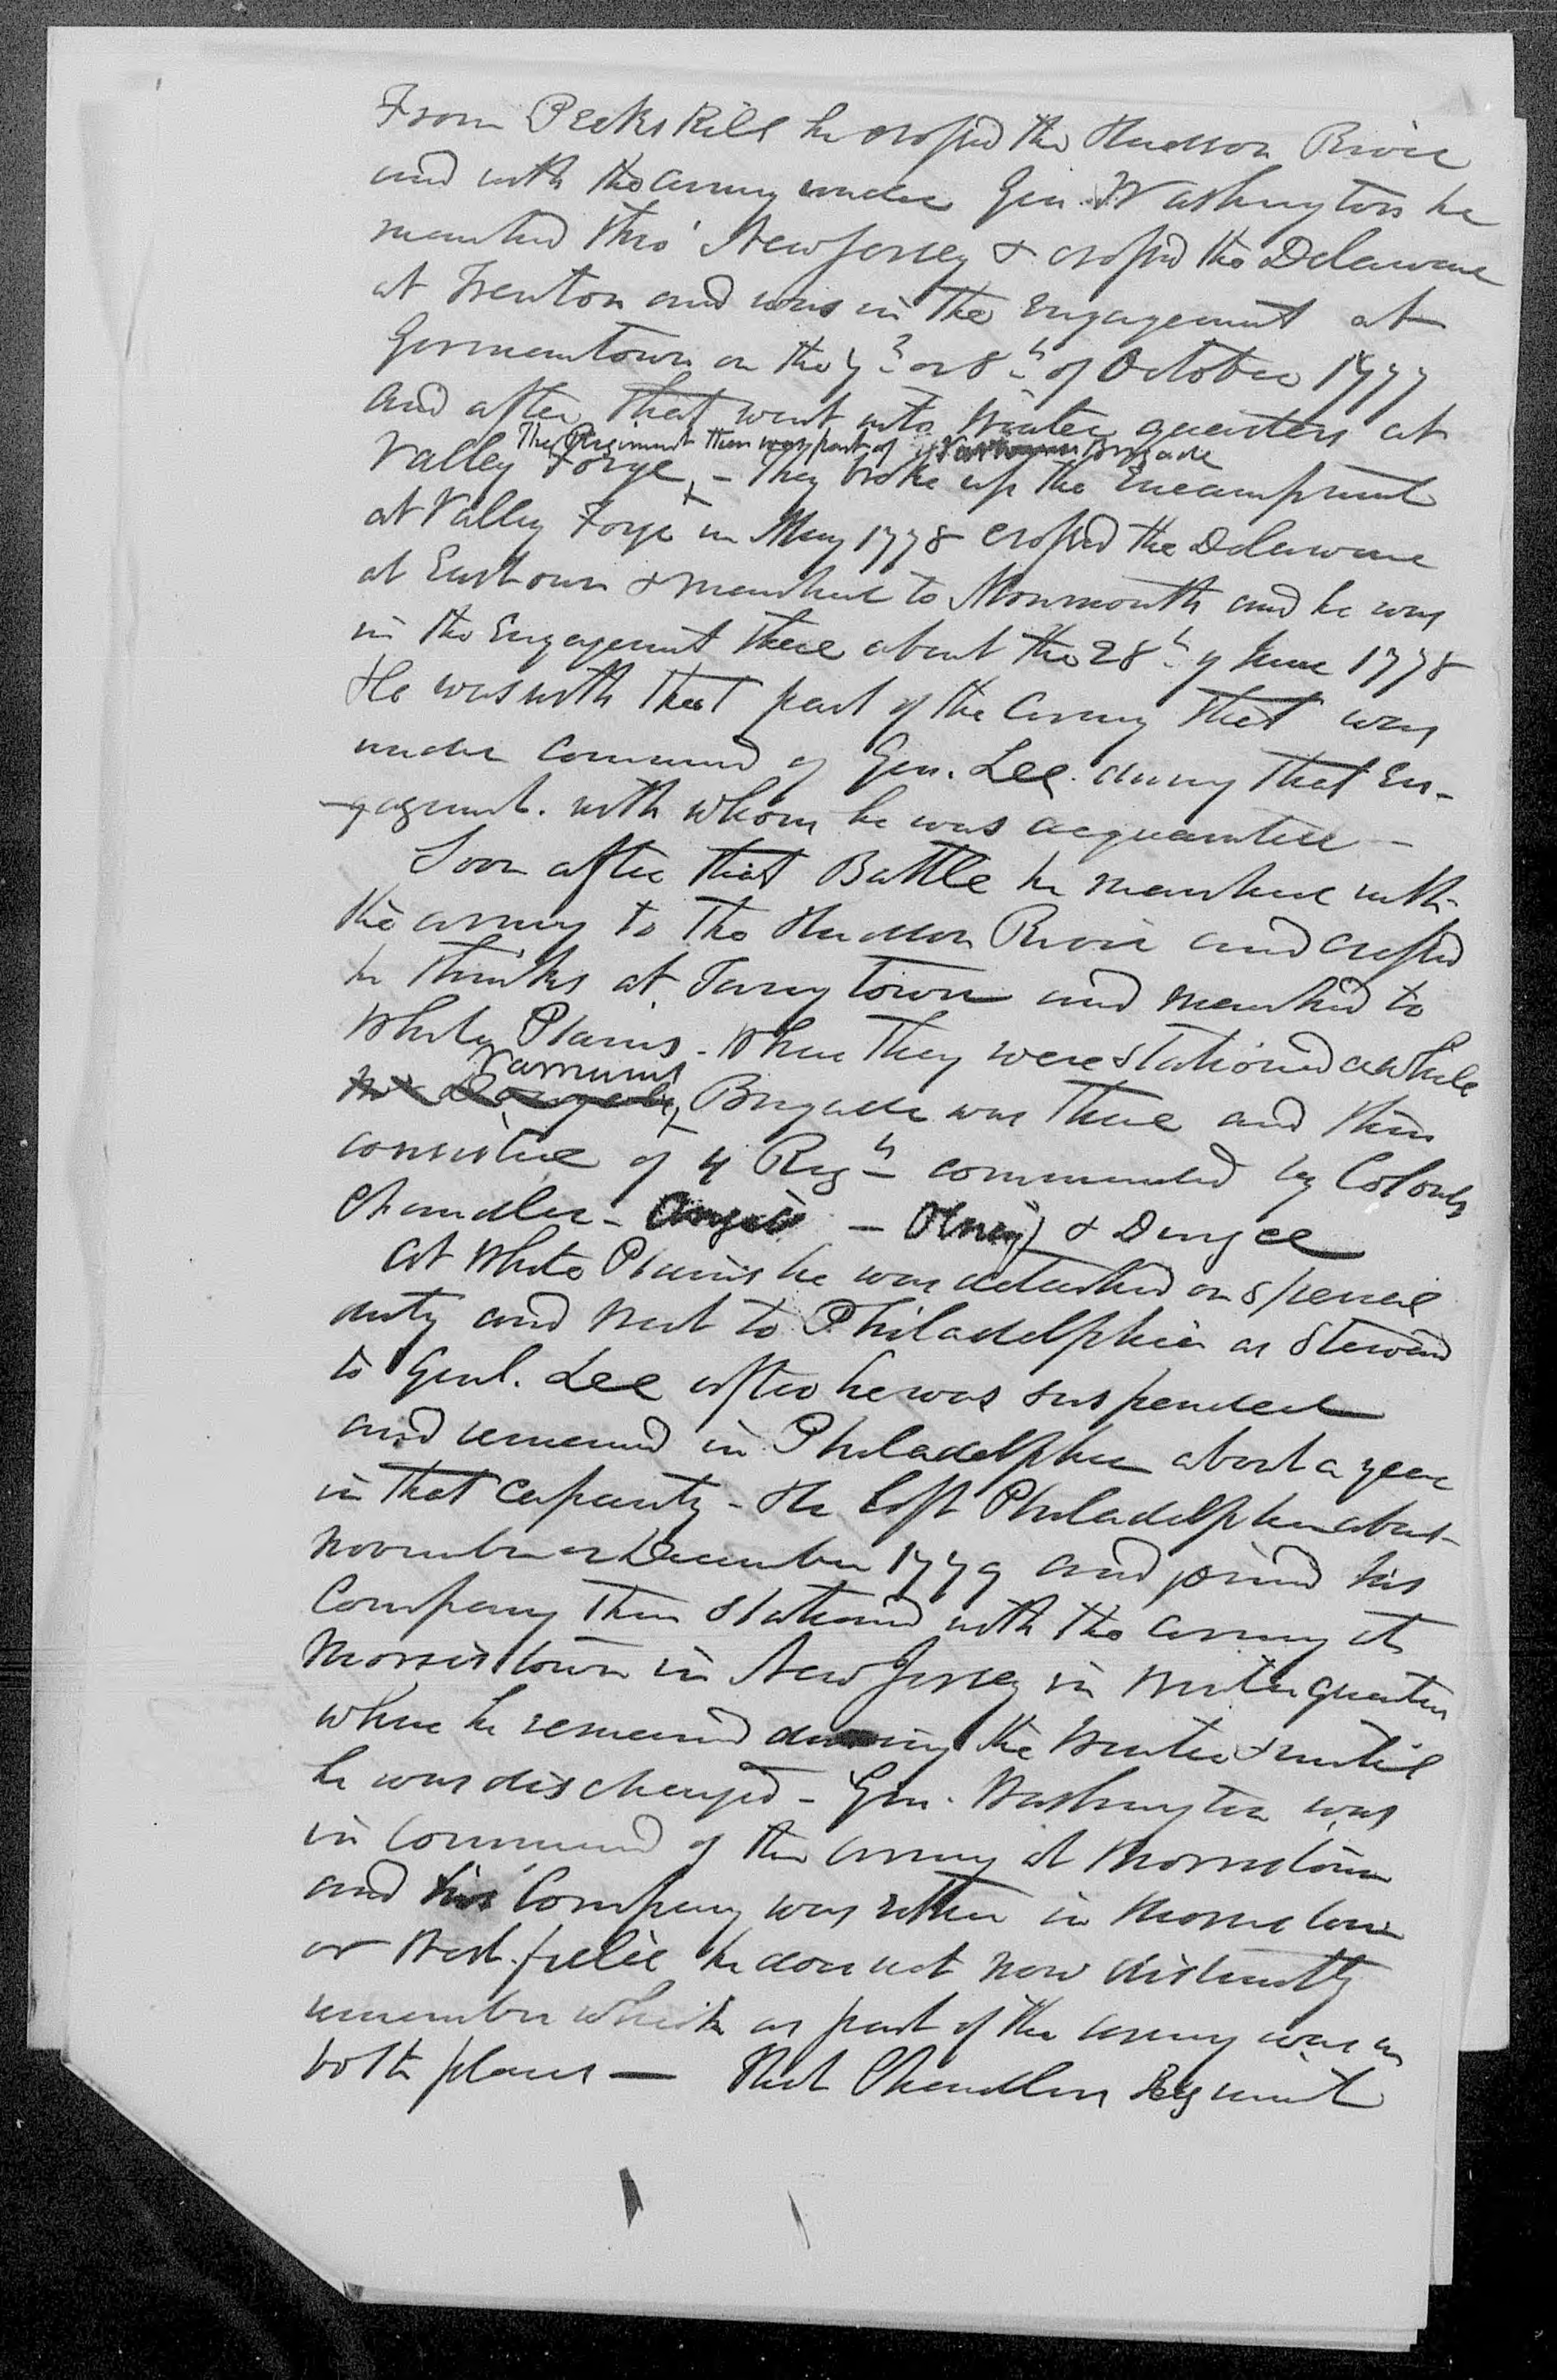from Peekskill he crossed the Hudson River and with the army under Gen. Washington he marched thro New Jersey & crossed the Delaware at Trenton and was in the engagement at Germantown on the 3rd  or 8th of October 1777 and after that went into Winter quarters at Valley Forge, the Regiment as a part of Varnum’s Brigade - They broke up the encampment at Valley Forge in May 1778 crossed the Delaware at Eastown & marched to Monmouth and he was in the engagement there about the 28th June 1778, he was with that part of the Army that was under command of Gen. Lee during that engagement with whom he was acquainted – 
Soon after that Battle he marched with the army to the Hudson River and crossed he thinks at Tarrytown and marched to White Plains, where they were stationed  awhile Varnums Brigade was there and then consisting of 4 Regt commanded by Colonels Chandler, Angels, Olney, & Denyce.
At White Plains he was detached or special duty and went to Philadelphia as steward to Genl Lee after he was suspended and remained in Philadelphia about a year in that capacity - He left Philadelphia about November or December 1779 and joined his Company then stationed with the army at Morristown in New Jersey in Militia quarters where he remained during the winter & until he was discharged - Gen Washington was in command of the Army at Morristown or Northfield - he does not now distinctly remember which was part of the army was in both places – But Chandlers Regiment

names: Angell, Olney, Lee, Chandlers, Chandler, Washington, Dengel, Lee, Washington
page: 7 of 51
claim: widow's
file: W. 1698, Oliver Barker, Conn.